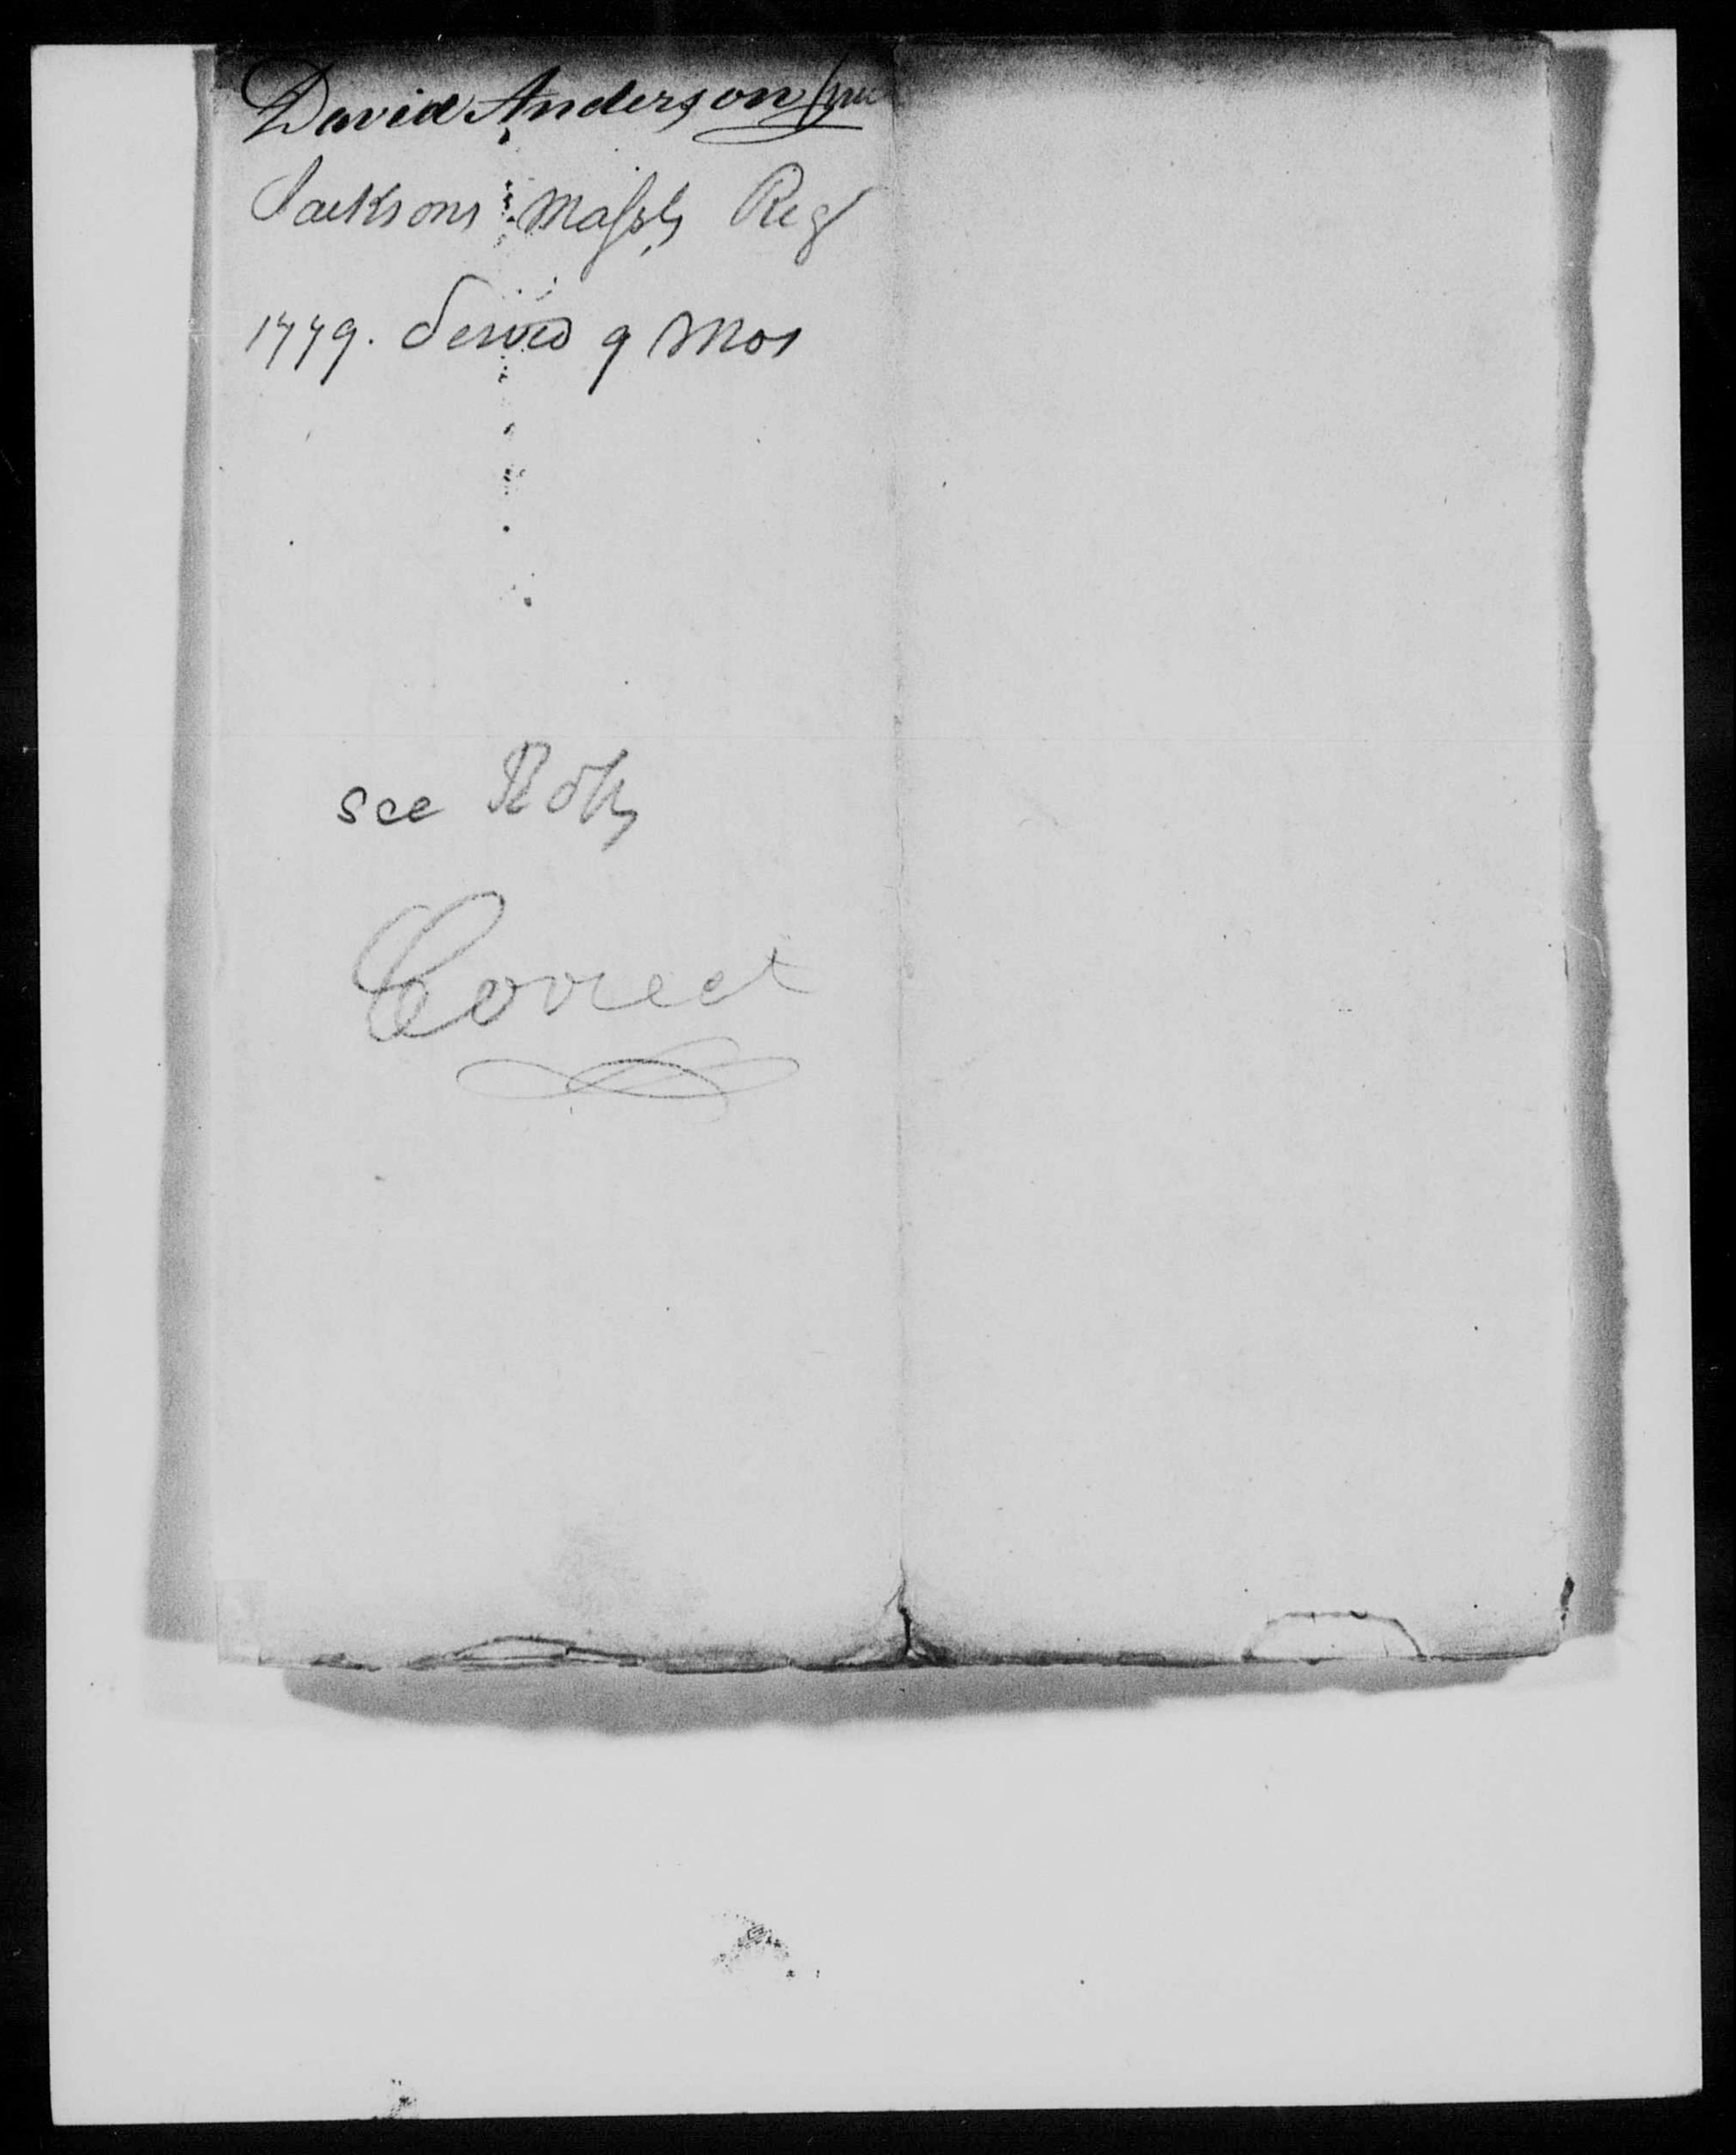David Anderson
Jackson Massts Reg
1779. Served 9 mos
see [indecipherable Rob?]
Correct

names: David Anderson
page: 2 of 39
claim: widow's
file: W. 20624, David Anderson, Mass